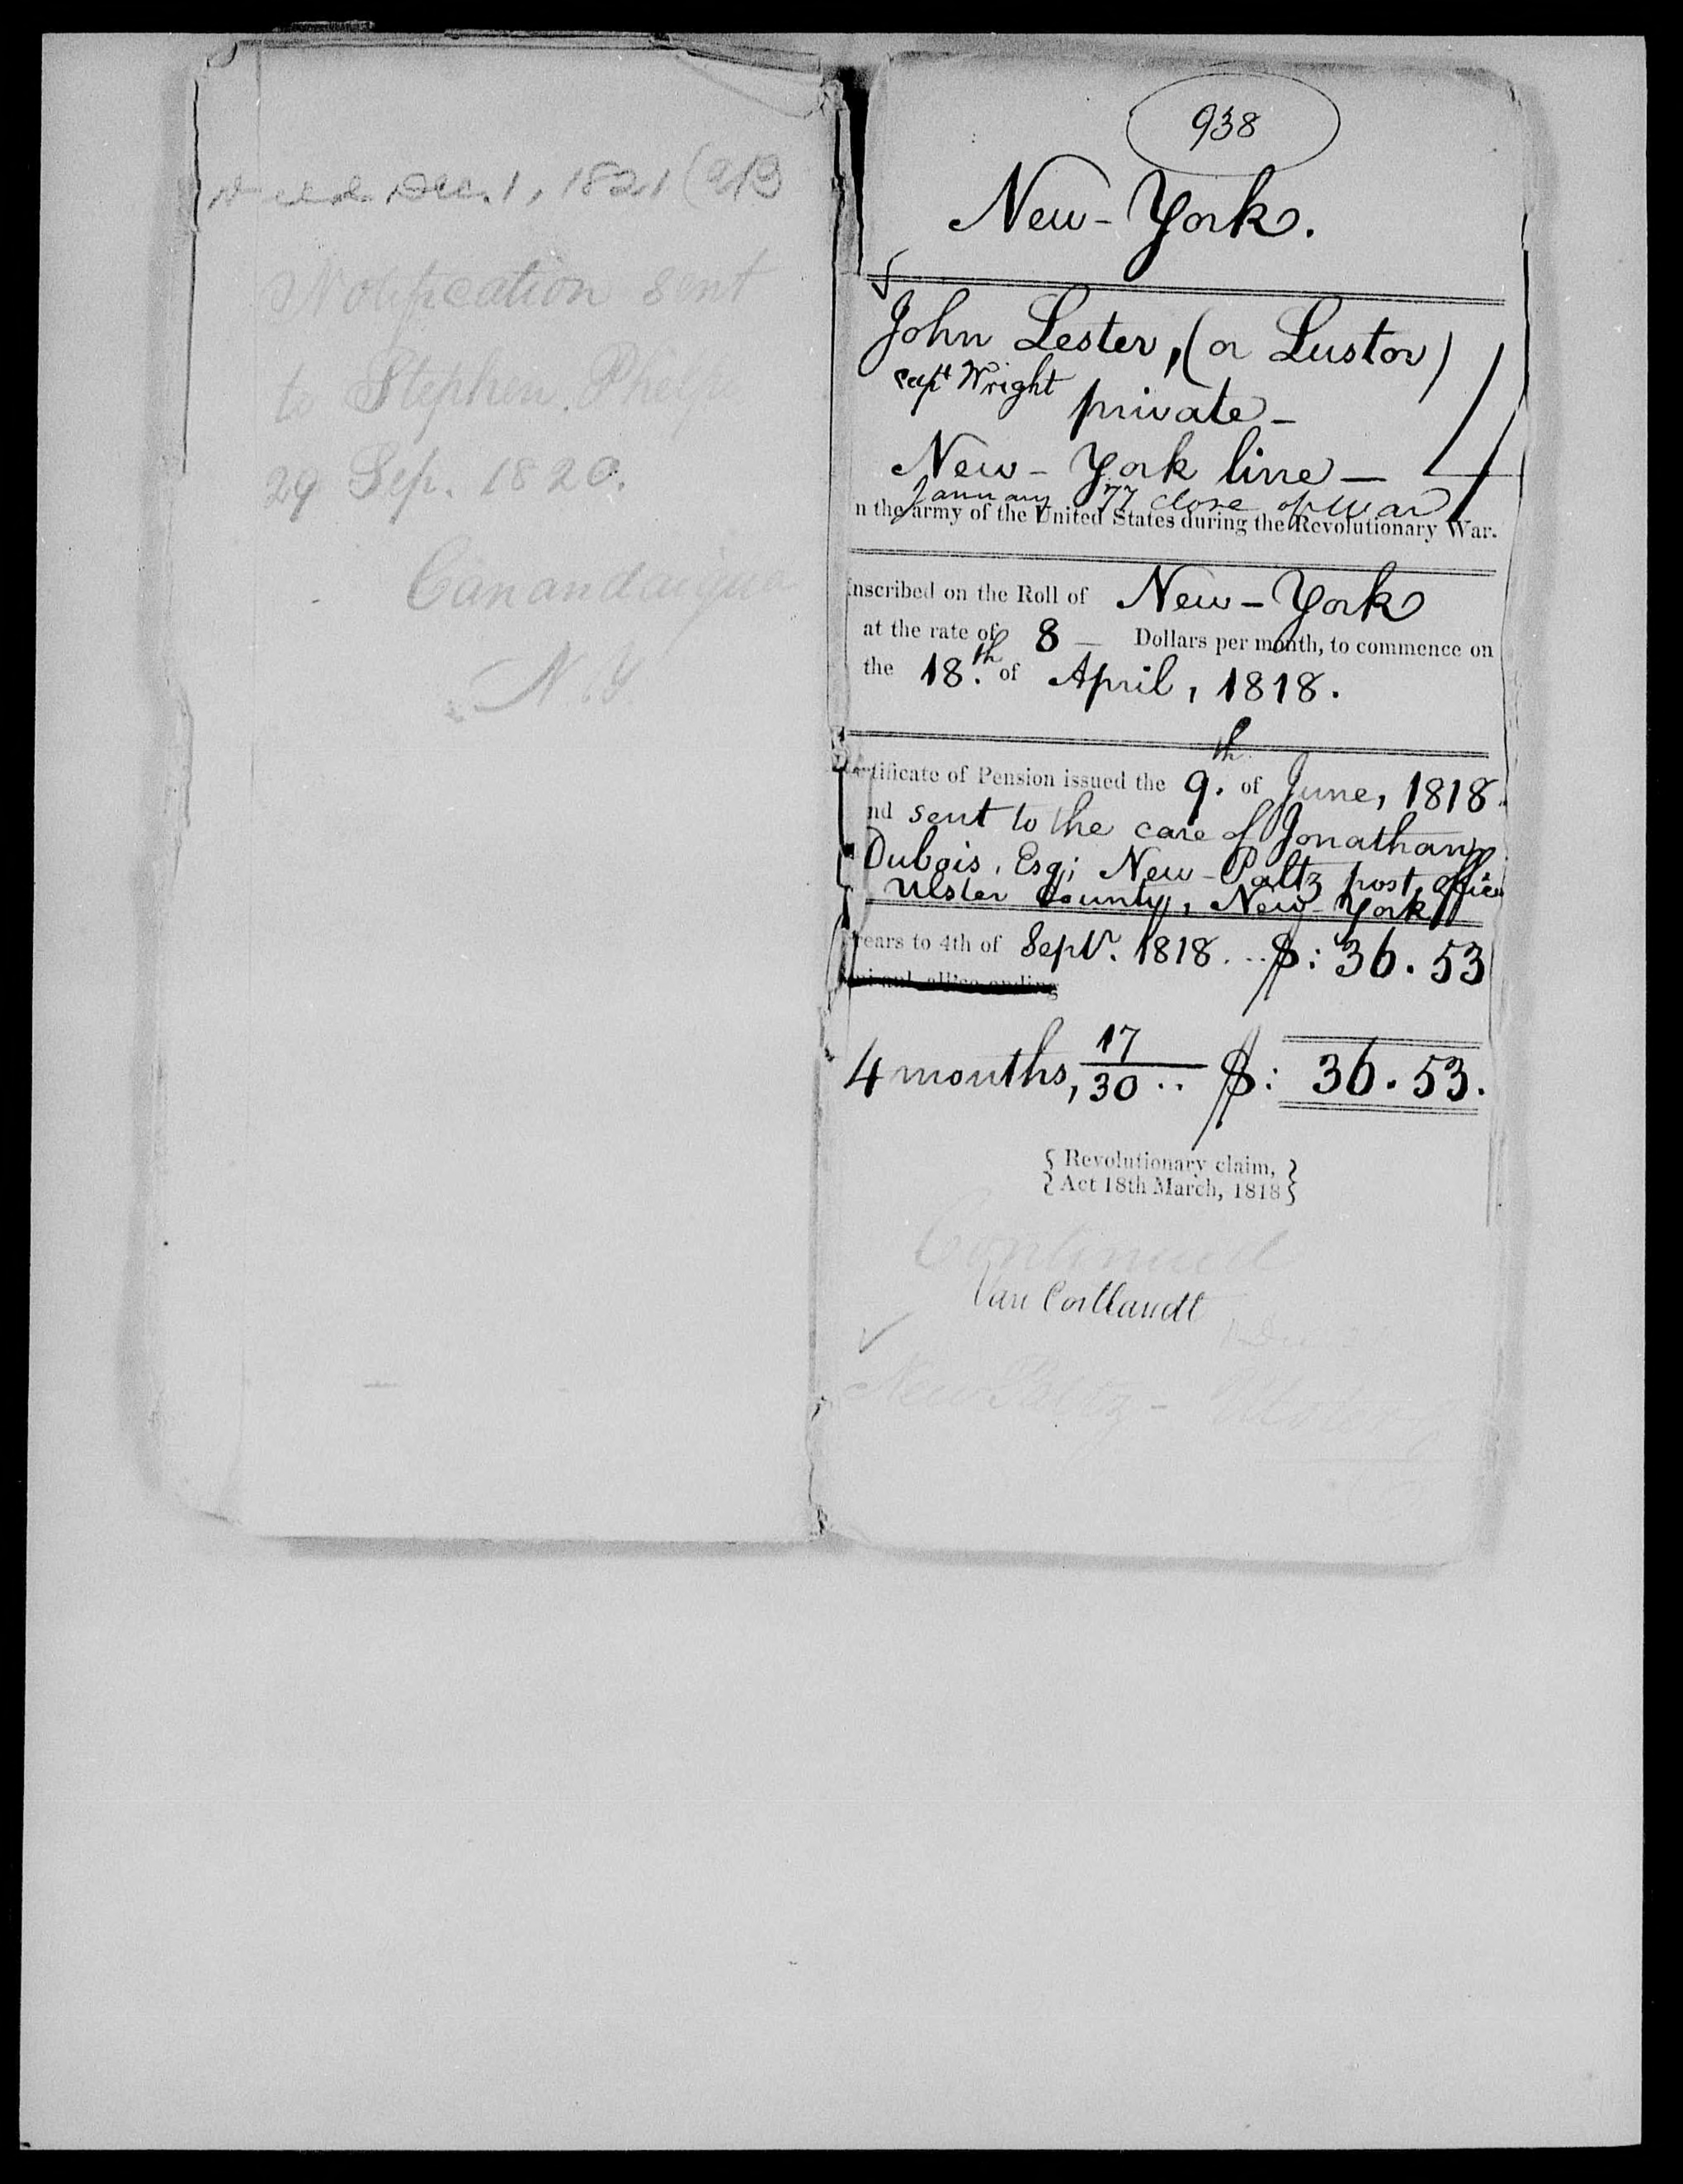[LEFT PAGE]
? Dec 1, 1821 (913)
Notification sent 
to Stephen Phelps
24 Sep. 1820
Canandaigua
N.Y.
[RIGHT PAGE]
938
New York 
John Lester, (or Lustor)
Capt. Wright private -
New York line -
January '77 close of war
in the army of the United States during the Revolutionary War.
inscribed on the Roll of New York
at the rate of 8 Dollars per month, to commence on the 18th of April, 1818.
Certificate of Pension issued the 9th of June, 1818 and sent to the care of Jonathan Dubois, Esq; New Paltz post office
Ulster County, New York
Arrears to 4th of Sept. 1818 ... $: 36.53
4 months, 17 / 30 .. $36.53.
{Revolutionary claim, Act 18th March, 1818}

Continental
Van Cortlandt
New Paltz Ulster Co.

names: Jonathan Dubois; [BLANK] Van Cortlandt; Stephen Phelps; John Lustor; John Lester; [BLANK] Wright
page: 2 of 14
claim: survivor's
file: S. 42844, for John Lester, New York